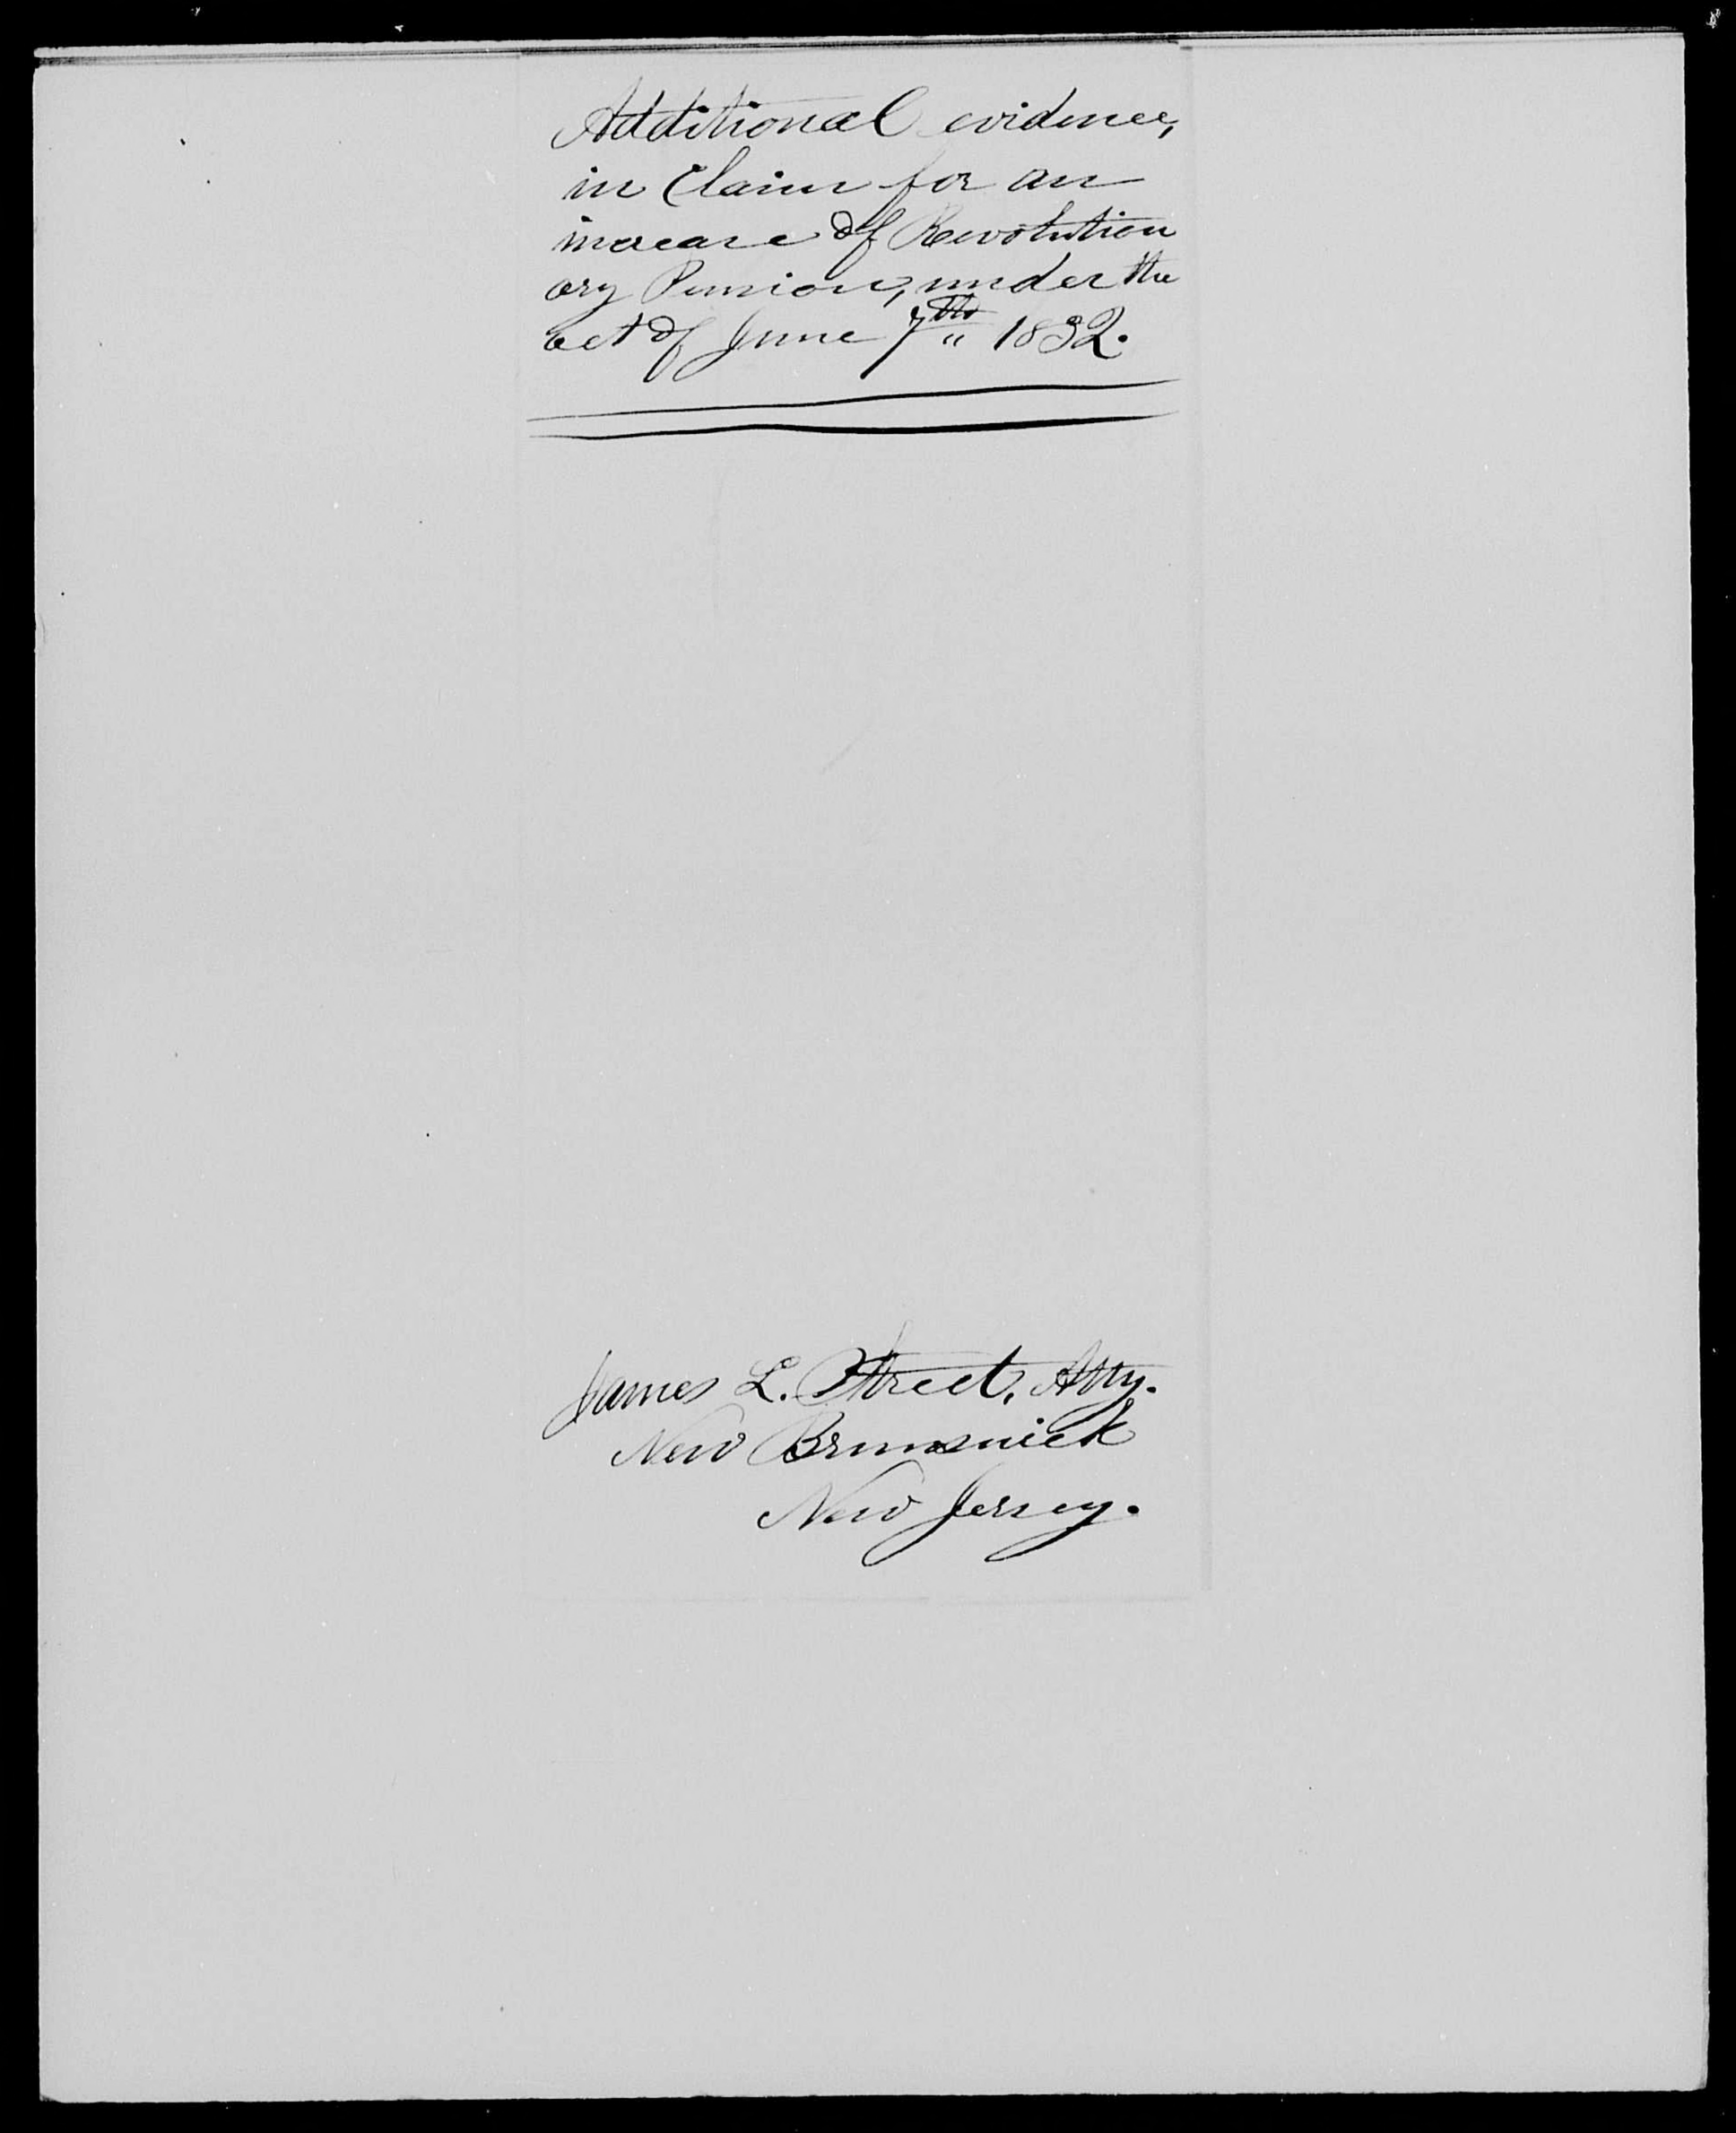Additional evidence
in Claim for an
increase of
Revolutionary Pension,
under the act
of June 7th 1832.

James L. Street, Atty
New Brunswick
New Jersey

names: James L Street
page: 47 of 52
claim: widow's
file: W. 919, Joel Dunn, New Jersey